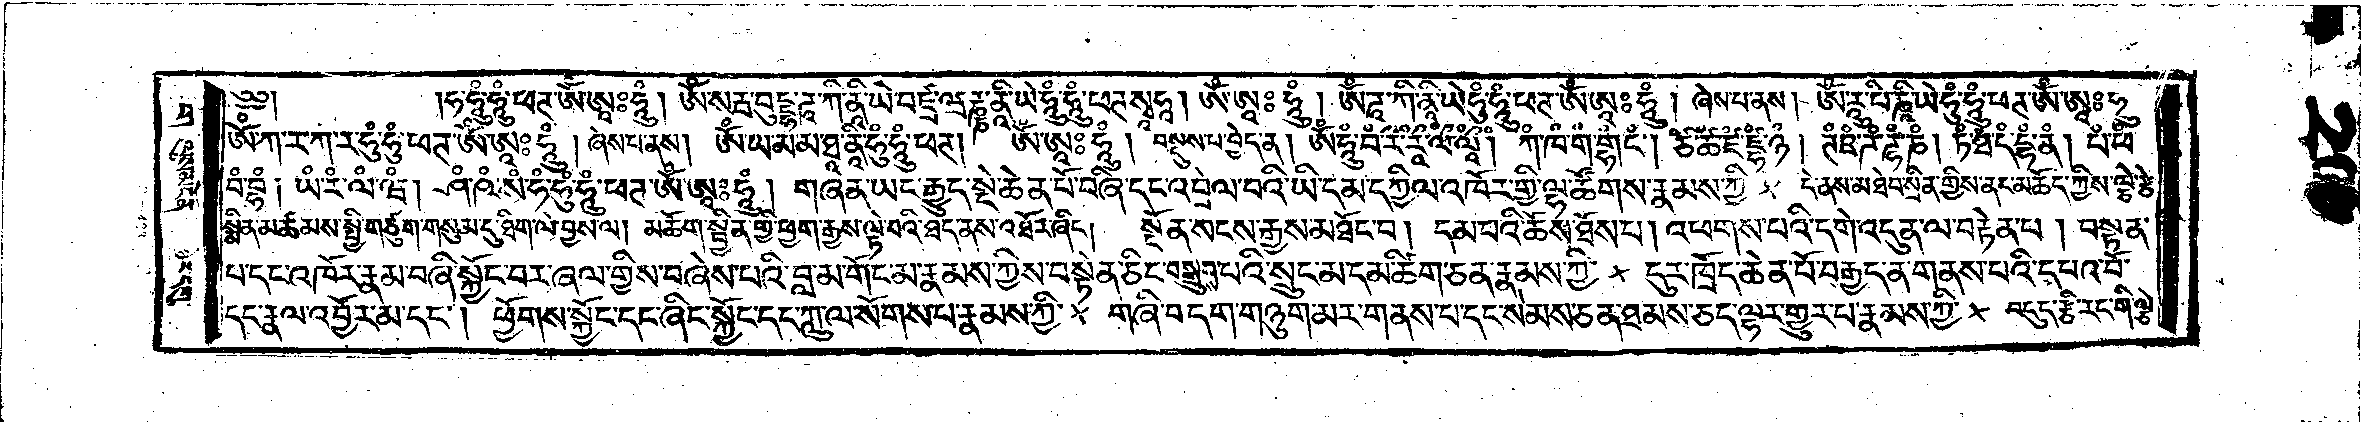༄༅། །ཧ་ཧཱུཾ་ཧཱུཾ་ཕཊ་ཨོཾ་ཨཱཿཧཱུཾ། ཨོཾ་སརྦ་བུདྡྷ་ཌཱ་ཀི་ནཱི་ཡེ་བཛྲ་ཝརྞྞ་ནཱི་ཡེ་ཧཱུཾ་ཧཱུཾ་ཕཊ་སྭཱཧཱ། ཨོཾ་ཨཱཿཧཱུཾ། ཨོཾ་ཌཱ་ཀི་ནཱི་ཡེ་ཧཱུཾ་ཧཱུཾ་ཕཊ་ཨོཾ་ཨཱཿཧཱུཾ་།ཞེས་པ་ནས། ཨོཾ་རཱུ་པི་ཎཱི་ཡེ་ཧཱུཾ་ཧཱུཾ་ཕཊ་ཨོཾ་ཨཱཿཧུ་
ཨོཾ་ཀ་ར་ཀ་ར་ཧཱུཾ་ཧཱུཾ་ཕཊ་ཨོཾ་ཨཱཿཧཱུཾ་།ཞེས་པ་ནས། ཨོཾ་ཡ་མ་མ་ཐཱ་ནཱི་ཧཱུཾ་ཧཱུཾ་ཕཊ། ཨོཾ་ཨཱཿཧཱུཾ། བསྡུས་པ་བྱེད་ན། ཨོཾ་ཧཱུཾ་བཾ་རྀཾ་རཱྀཾ་ལྀཾ་ལཱྀཾ། ཀཾ་ཁཾ་གཾ་གྷཾ་ངཾ། ཙཾ་ཚཾ་ཛཾ་ཛྷཾ་ཉཾ། ཊཾཊཿཨཾ་ཌཾ་ཌྷཾ་ཎཾ། ཏཾ་ཐཾ་དཾ་དྷཾ་ནཾ། པཾ་ཕཾ་
བཾ་བྷཾ། ཡཾ་རཾ་ལཾ་ཝཾ། ཤཾ་ཥཾ་སཾ་ཧཾ་ཧུཾ་ཧཱུཾ་ཕཊ་ཨོཾ་ཨཱཿཧཱུཾ། གཞན་ཡང་རྒྱུད་སྡེ་ཆེན་པོ་བཞི་དང་འབྲེལ་བའི་ཡི་དམ་དཀྱིལ་འཁོར་གྱི་ལྷ་ཚོགས་རྣམས་ཀྱི་྾་དེ་ནས་མཐེབ་སྲིན་གྱིས་ནང་མཆོད་ཀྱིས་ལྕེ་རྩེ་
སྨིན་མཚམས་སྤྱི་གཙུག་གསུམ་དུ་ཐིག་ལེ་བྱས་ལ། མཆོག་སྦྱིན་གྱི་ཕྱག་རྒྱས་ལྟེ་བའི་ཐད་ནས་འཐོར་ཞིང་། སྔོན་སངས་རྒྱས་མཐོང་བ། དམ་པའི་ཆོས་ཐོས་པ། འཕགས་པའི་དགེ་འདུན་ལ་བརྟེན་པ། བསྟན་
པ་དང་འཁོར་རྣམ་བཞི་སྐྱོང་བར་ཞལ་གྱིས་བཞེས་པའི་བླ་མ་གོང་མ་རྣམས་ཀྱིས་བསྟེན་ཅིང་བསྒྲུབས་པའི་སྲུང་མ་དམ་ཚིག་ཅན་རྣམས་ཀྱི་྾་དུར་ཁྲོད་ཆེན་པོ་བརྒྱད་ན་གནས་པའི་དཔའ་བོ་
དང་རྣལ་འབྱོར་མ་དང་། ཕྱོགས་སྐྱོང་དང་ཞིང་སྐྱོང་དང་ཀླུ་ལ་སོགས་པ་རྣམས་ཀྱི་྾་གཞི་བདག་གཉུག་མར་གནས་པ་དང་སེམས་ཅན་ཐམས་ཅད་ལྷར་གྱུར་པ་རྣམས་ཀྱི་྾་བདུད་རྩི་རང་གི་ལྕེ་